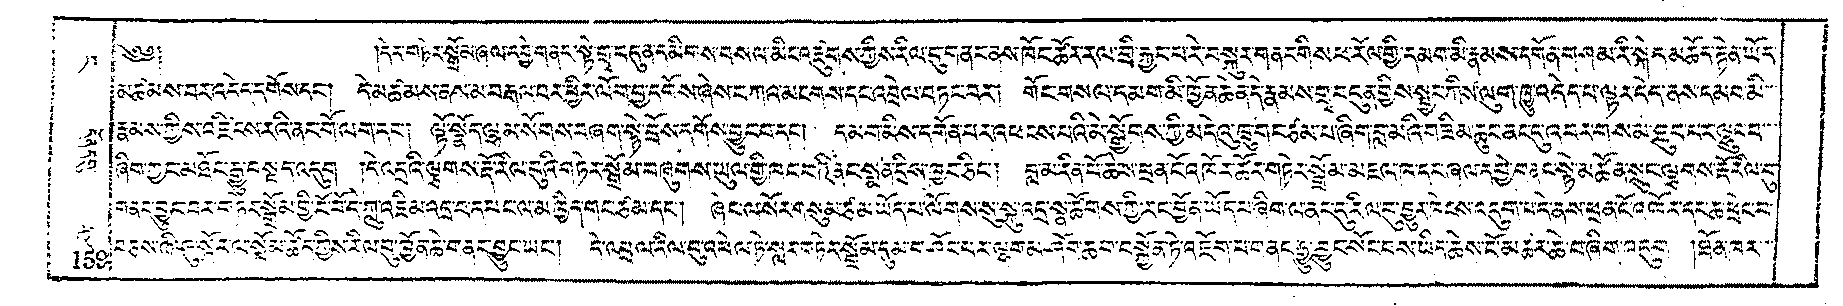༄༅། །དེར་གཏེར་སྒྲོམ་ཞལ་དབྱེ་གནང་སྟེ་གྲྭ་བདུན་དམིགས་བསལ་མིང་འཛུགས་ཀྱིས་རིལ་བུ་གནང་ནས་ཁོང་ཚོར་རལ་གྲི་རྐྱང་པ་རེ་བསྐུར་གནང་གིས་ཕ་རོལ་གྱི་དམག་མི་རྣམས་དགོན་གཤམ་རི་སྐེད་མཆོད་རྟེན་ཡོད་
མཚམས་བར་འདེད་དགོས་དང་། དེ་མཚམས་ནས་མ་བརྒལ་བར་ཕྱིར་ལོག་བྱ་དགོས་ཞེས་བཀའ་མངགས་དང་འབྲེལ་བཏང་བར། གོང་གསལ་དམག་མི་ཁྱོན་ཆེན་དེ་རྣམས་གྲྭ་བདུན་གྱིས་སྤྱང་གིས་ལུག་ཁྱུ་འདེད་པ་ལྟར་དེད་ནས་དམག་མི་
རྣམས་ཀྱིས་འཛིངས་རའི་ནང་གོ་ལག་དང་། ལྟོ་སྣོད་ལྷམ་སོགས་བཞག་སྟེ་བྲོས་དགོས་བྱུང་བ་དང་། དམག་མིས་དགོན་པར་འཕངས་པའི་མེ་སྒྱོགས་ཀྱི་མདེའུ་ཁྲུ་གང་ཙམ་པ་ཞིག་བླ་མའི་གཟིམ་ཆུང་ནང་དུ་འབར་གས་མ་ཐུབ་པར་ལྷུང་བ་
ཞིག་ཀྱང་མཐོང་རྒྱུ་བསྡད་འདུག །དེ་འདྲའི་ལྕགས་རྡོ་རིལ་བུའི་གཏེར་སྒྲོམ་བཞུགས་ཡུལ་གྱི་ཁང་བའི་ནང་སྨན་དྲིས་ཁྱབ་ཅིང་། བླ་མ་རིན་པོ་ཆེས་ཕྲན་ངོ་འཁོར་ཚོར་གཏེར་སྒྲོམ་མཇལ་ཁ་དང་ཞལ་དབྱེ་གནང་སྟེ་མཚོན་སྲུང་ལྕགས་རྡོ་རིལ་བུ་
གནང་བྱུང་བར་གཏེར་སྒྲོམ་གྱི་ངོ་བོ་དེ་ཀླུ་འཇིམ་འདྲ་བ་དཔང་ལ་མཁྱིད་གང་ཙམ་དང་། ཞེང་ལ་སེར་གསུམ་ཙམ་ཡོད་པ་ལོགས་སུ་སྐུ་འདྲ་སྣ་ཚོགས་ཀྱི་རང་བྱོན་ཡོད་པ་ཞིག་ལ་ནང་དུ་རིལ་བུ་བྱུར་ཁེངས་འདུག་པ་དེ་ནས་ཕྲན་ངོ་འཁོར་དང་ཆ་ཕྲེང་བ་
བཅས་ཉི་ཤུ་སྐོར་ལ་སྤོམ་ཚོད་ཀྱིས་རིལ་བུ་ཁྱོན་ཆེ་གནང་བྱུང་ཡང་། དེ་འཕྲལ་རིལ་བུ་འཕེལ་ཏེ་སླར་གཏེར་སྒྲོམ་དུ་མ་གཤོང་པར་ལྷག་མ་ཤོག་ཆག་བསྐྱོན་ཏེ་འཇོག་པ་གནང་རྒྱུ་བྱུང་སོང་བས་ཡིད་ཆེས་ངོ་མཚར་ཆེ་བ་ཞིག་འདུག །ཐོན་ཁར་